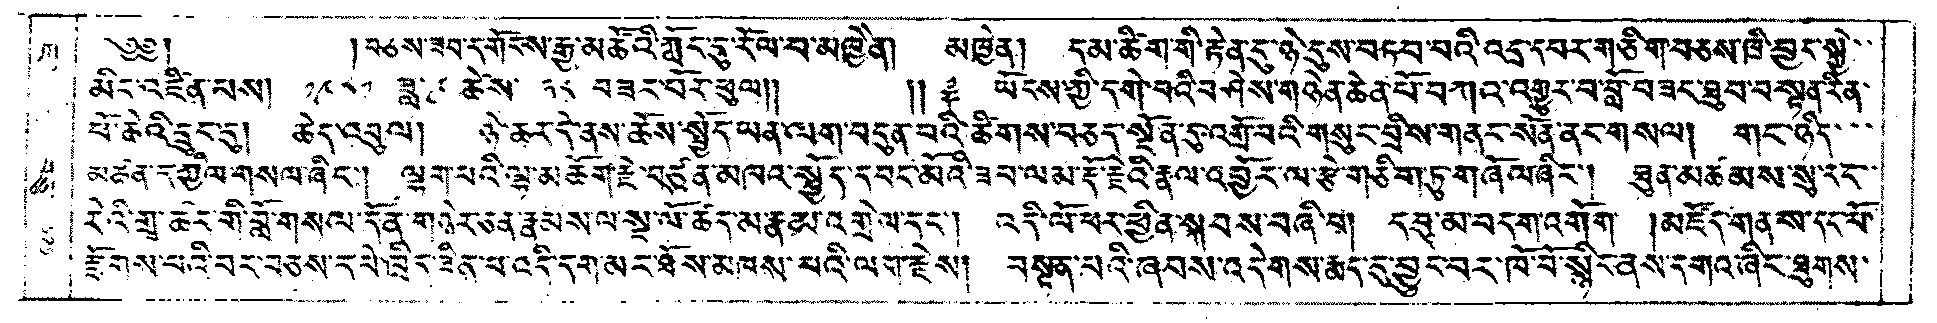༄༅། །བཅས་ཟབ་དགོངས་རྒྱ་མཚོའི་ཀློང་དུ་རོལ་བ་མཁྱཻན། མཁྱེན། དམ་ཚིག་གི་རྟེན་དུ་ཉེ་དུས་བཏབ་པའི་འདྲ་དཔར་གཅིག་བཅས་ཁྲི་བྱང་སྐྱེ་
མིང་འཛིན་པས། ༡༩༨༡་ཟླ ༩་ཚེས ༢༨་བཟང་པོར་ཕུལ།། །། ༈ ཡོངས་ཀྱི་དགེ་བའི་བཤེས་གཉེན་ཆེན་པོ་བཀའ་འགྱུར་བ་བློ་བཟང་ཐུབ་བསྟན་རིན་
པོ་ཆེའི་དྲུང་དུ། ཆེད་འབུལ། ཉེ་ཆར་དེ་ནས་ཆོས་སྤྱོད་ཡན་ལག་བདུན་པའི་ཚིགས་བཅད་སྔོན་དུ་འགྲོ་བའི་གསུང་བྲིས་གནང་སོན་ནང་གསལ། གང་ཉིད་
མཚན་དཀྱིལ་གསལ་ཞིང་། ལྷག་པའི་ལྷ་མཆོག་རྗེ་བཙུན་མཁའ་སྤྱོད་དབང་མོའི་ཟབ་ལམ་རྡོ་རྗེའི་རྣལ་འབྱོར་ལ་རྩེ་གཅིག་ཏུ་གཞོལ་ཞིང་། ཐུན་མཚམས་སུ་རང་
རེའི་གྲྭ་ཚང་གི་བློ་གསལ་དོན་གཉེར་ཅན་རྣམས་ལ་སྔ་ལོ་ཚད་མ་རྣམ་འགྲེལ་དང་། འདི་ལོ་ཕར་ཕྱིན་སྐབས་བཞི་པ། དབུ་མ་བདག་འགོག །མཛོད་གནས་དང་པོ་
རྫོགས་པའི་བར་བཅས་དཔེ་ཁྲིད་ཟིན་པ་འདི་དག་མང་ཐོས་མཁས་པའི་ལག་རྗེས། བསྟན་པའི་ཞབས་འདེགས་རྨད་དུ་བྱུང་བར་ཁོ་བོ་སྙིང་ནས་དགའ་ཞིང་ཐུགས་